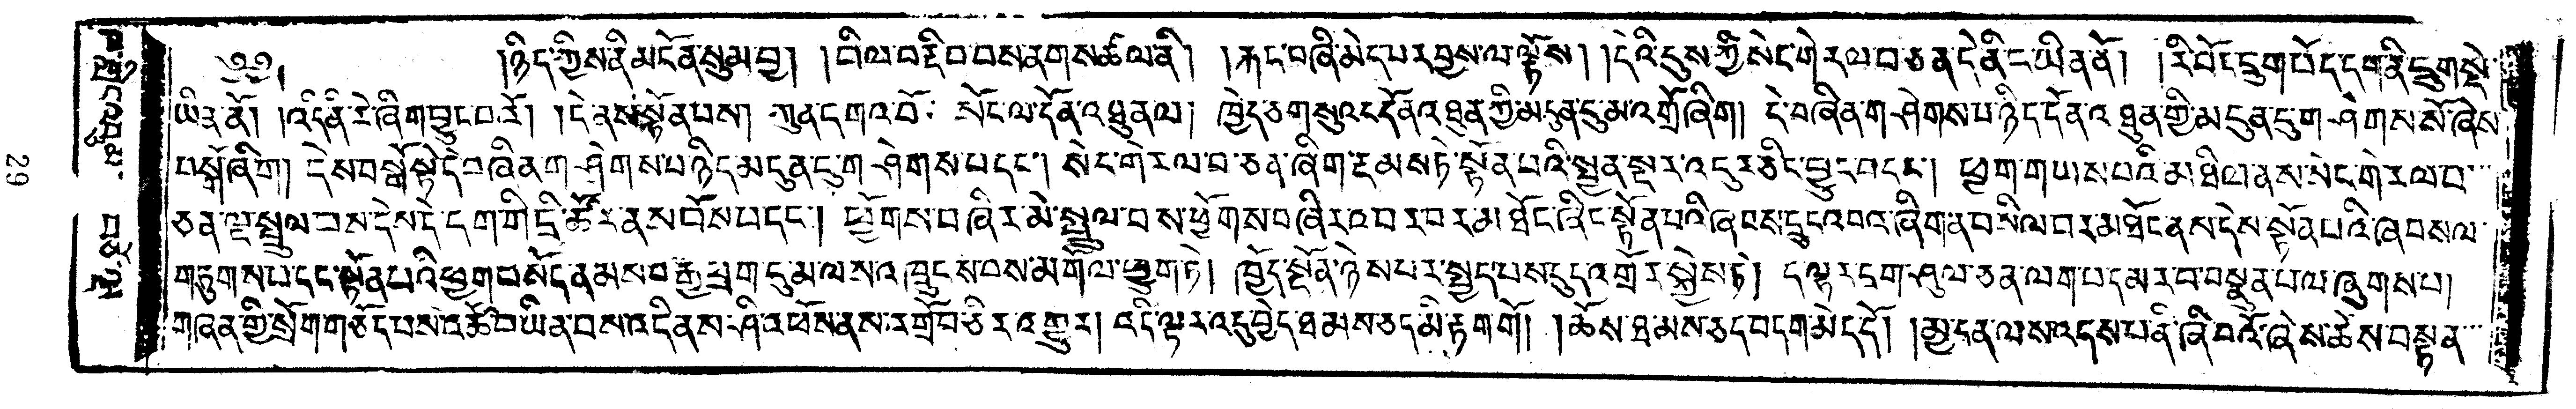༄༅། །ཉིད་ཀྱིས་ནི་མངོན་སུམ་བྱ། །བིལ་བརྡིབ་བས་ནགས་ཚལ་ནི། །རྐང་བཞི་མེད་པར་བྱས་ལ་ལྟོས། །དེའི་དུས་ཀྱི་སེང་གེ་རལ་བ་ཅན་དེ་ནི་ང་ཡིན་ནོ། །རི་བོང་དྲུག་པོད་དག་ནི་དྲུག་སྡེ་
ཡིན་ནོ། །འདི་ནི་རེ་ཞིག་བྱུང་བའོ། །དེ་ནས་སྟོན་པས། ཀུན་དགའ་བོ༑ སོང་ལ་དོན་འཐུན་ལ། ཁྱེད་ཅག་སུའང་དོན་འཐུན་ཀྱི་མདུན་དུ་མ་འགྲོ་ཞིག། དེ་བཞིན་གཤེགས་པ་ཉིད་དོན་འཐུན་གྱི་མདུན་དུ་གཤེགས་སོ་ཞེས་
བསྒོ་ཞིག། དེས་བསྒོ་སྟེ་དེ་བཞིན་གཤེགས་པ་ཉིད་མདུན་དུ་གཤེགས་པ་དང་། སེང་གེ་རལ་བ་ཅན་ཞིག་རྔམས་ཏེ་སྟོན་པའི་སྤྱན་སྔར་འདུར་ཅིང་བྱུང་བ་དང་། ཕྱག་གཡས་པའི་མཐིལ་ནས་སེང་གེ་རལ་བ་
ཅན་ལྔ་སྤྲུལ་བས་དེས་དེ་དག་གི་དྲི་ཚོར་ནས་བོས་པ་དང་། ཕྱོགས་བཞིར་མེ་སྤྲུལ་བས་ཕྱོགས་བཞིར་འབར་བར་མཐོང་ཞིང་སྟོན་པའི་ཞབས་དྲུང་འབའ་ཞིག་ན་བསིལ་བར་མཐོང་ནས་དེས་སྟོན་པའི་ཞབས་ལ་
གཏུགས་པ་དང་སྟོན་པའི་ཕྱག་བསོད་ནམས་བརྒྱ་ཕྲག་དུ་མ་ལས་འཁྲུངས་བས་མགོལ་ཕྱུག་ཏེ། ཁྱོད་སྔོན་ཉེས་པར་སྤྱད་པས་དུད་འགྲོར་སྐྱེས་ཏེ། ད་ལྟར་དྲག་ཤུལ་ཅན་ལག་པ་དམར་བ་བསྣུན་པ་ལ་ཞུགས་པ།
གཞན་གྱི་སྲོག་གཅོད་པས་འཚོ་བ་ཡིན་པས་འདི་ནས་ཤི་འཕོས་ནས་འགྲོ་བ་ཅིར་འགྱུར། འདི་ལྟར་འདུ་བྱེད་ཐམས་ཅད་མི་རྟག་གོ། །ཆོས་ཐམས་ཅད་བདག་མེད་དོ། །མྱ་ངན་ལས་འདས་པ་ནི་ཞི་བའོ་ཞེས་ཚེས་བསྟན་